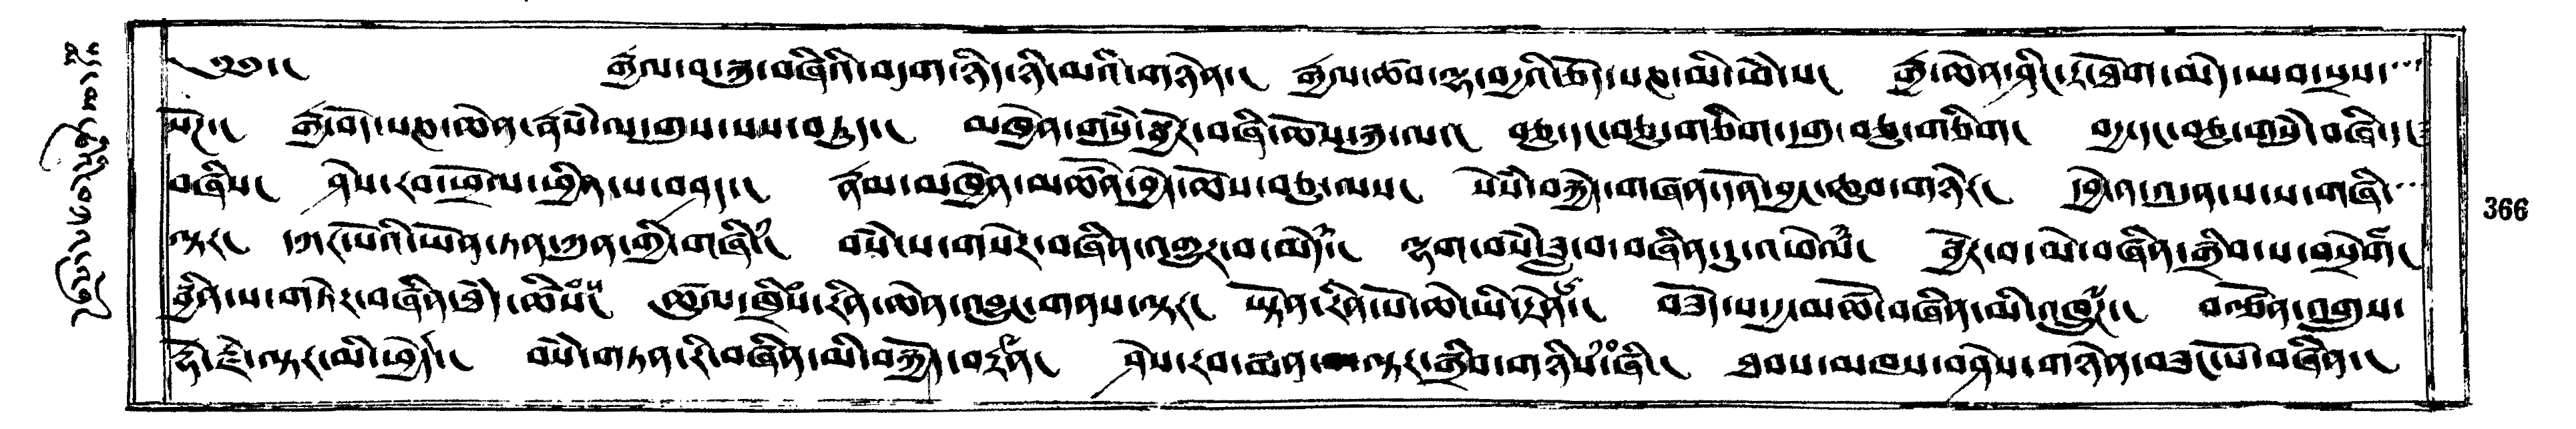རྒྱལ་བ་སྐུ་བཞིའི་བདག་ཉིད་ཉི་མའི་གཉེན། །རྒྱལ་ཚབ་ལྷ་བརྒྱའི་ཅོད་པཎ་མི་ཕམ་པ། །རྒྱ་ཆེན་ཤིང་རྟ་ཐོགས་མེད་ཡབ་སྲས་
སོགས། །རྒྱ་བོད་པཎ་ཆེན་རྣམས་ལ་གུས་པས་འདུད། །མཁྱེན་གསུམ་སྦྱོར་བཞི་ཆོས་སྐུ་ལ། །བཅུ་དང་བཅུ་གཅིག་དགུ་བཅུ་གཅིག །བརྒྱ་དང་བཅུ་གསུམ་བཞི་དང་
བཞིས། །ཤེས་རབ་ཕ་རོལ་ཕྱིན་པ་བཤད། །རྣམ་མཁྱེན་མཚོན་བྱེད་ཆོས་བཅུ་ལས། །སེམས་བསྐྱེད་གཞན་དོན་བྱང་ཆུབ་གཉེར། །དབྱེ་ན་འདུན་པ་ས་གཞི་
ལྟར། །དཀར་པོའི་ཡོན་ཏན་ཀུན་ཀྱི་གཞི། །བསམ་པ་གསེར་བཞིན་འགྱུར་བ་མེད། །ལྷག་བསམ་ཟླ་བ་བཞིན་དུ་འཕེལ། །སྦྱོར་བ་མེ་བཞིན་སྒྲིབ་པ་བསྲེག །
སྦྱིན་པ་གཏེར་བཞིན་ཐམས་ཅད་ཚིམས། །ཚུལ་ཁྲིམས་རིན་ཆེན་འབྱུང་གནས་ལྟར། །ཡོནཏན་རིན་པོ་ཆེ་ཡི་རྟེན། །བཟོད་པ་རྒྱ་མཚོ་བཞིན་མི་འཁྲུགས། །བརྩོན་འགྲུས་
རྡོ་རྗེ་ལྟར་མི་ཕྱེད། །བསམ་གཏན་རི་བཞིན་མི་བསྐྱོད་བརྟན། །ཤེས་རབ་སྨན་ལྟར་སྒྲིབ་གཉིས་ཞི། །ཐབས་མཁས་བཤེས་གཉེན་བཟང་པོ་བཞིན། །